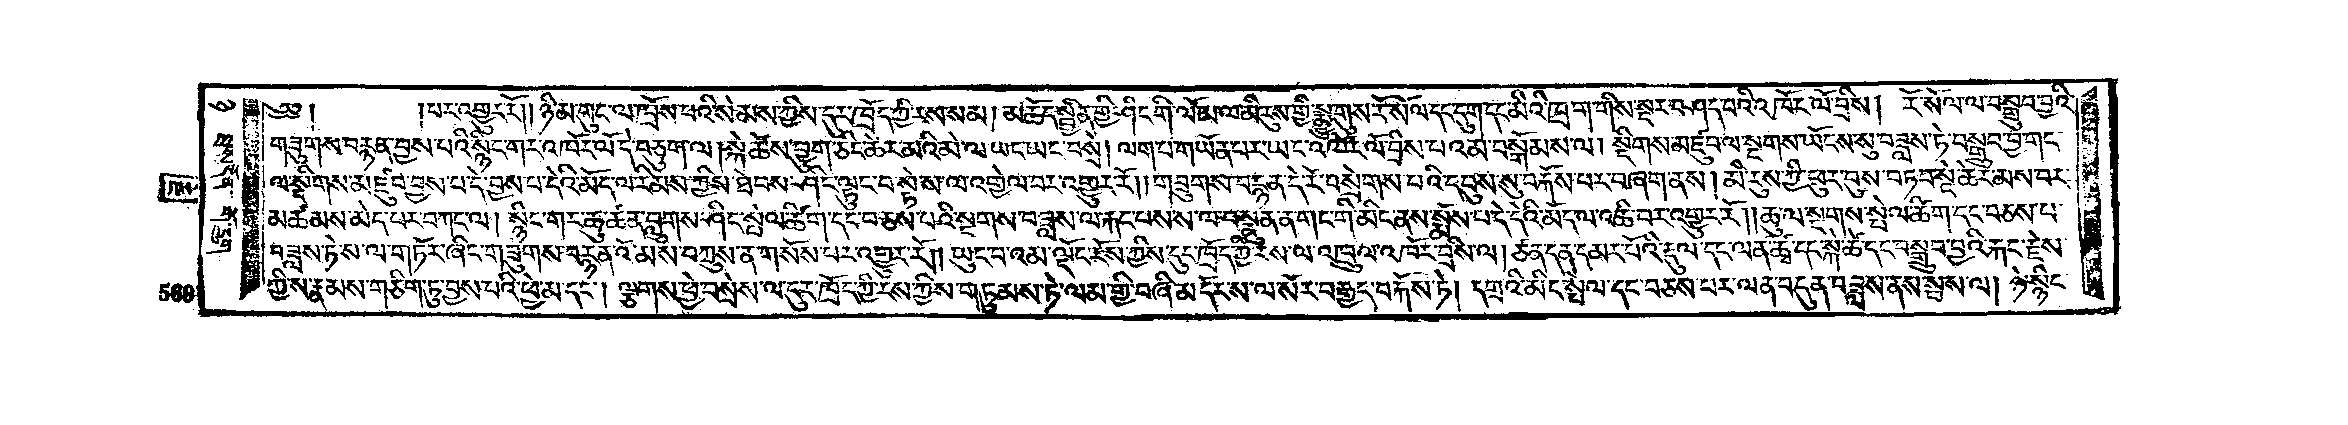༄༅། །པར་འགྱུར་རོ། །ཉི་མ་གུང་ལ་ཁྲོས་པའི་སེམས་ཀྱིས་དུར་ཁྲོད་ཀྱི་རས་སམ། མཆོད་སྦྱིན་གྱི་ཤིང་གི་ལོ་མ་ལ་མི་རུས་གྱི་སྨྱུ་གུས་རོ་སོལ་དང་དུག་དང་མིའི་ཁྲག་གིས་སྔར་བཤད་པའི་འཁོར་ལོ་བྲིས། རོ་སོལ་ལ་བསྒྲུབ་བྱའི་
གཟུགས་བརྙན་བྱས་པའི་སྙིང་གར་འཁོར་ལོ་དེ་བཅུག་ལ། སྐེ་ཚེས་བྱུག་ཅིང་ཚེར་མའི་མེ་ལ་ཡང་ཡང་བསྲོ། ལག་པ་གཡོན་པར་ཡང་འཁོར་ལོ་བྲིས་པའམ་བསྒོམས་ལ། སྡིགས་མཛུབ་ལ་སྔགས་ཡོངས་སུ་བཟླས་ཏེ་བསྒྲུབ་བྱ་གང་
ལ་སྡིགས་མཛུབ་བྱས་པ་དེ་བྱས་པ་དེའི་མོད་ལ་རིམས་ཀྱིས་ཐེབས་ཤིང་ལྟུང་བ་སྟེ་ས་ལ་འགྱེལ་བར་འགྱུར་རོ། །གཟུགས་བརྙན་དེ་རོ་བསྲེགས་པའི་དབུས་སུ་བརྐོས་པར་བཞག་ནས། མི་རུས་ཀྱི་ཕུར་བུས་བཏབ་སྟེ་ཆེར་མས་བར་
མཚམས་མེད་པར་བཀང་ལ། སྙིང་གར་ཆུ་ཚན་བླུགས་ཤིང་སྤེལ་ཚིག་དང་བཅས་པའི་སྔགས་བཟླས་ལ་རྐང་པས་ས་ལ་བསྣུན་ན་གང་གི་མིང་ནས་སྨོས་པ་དེ་དེའི་མོད་ལ་འཆི་བར་འགྱུར་རོ། །ཆུ་ལ་སྔགས་སྤེལ་ཚིག་དང་བཅས་པ་
བཟླས་ཏེ་ས་ལ་གཏོར་ཞིང་གཟུགས་བརྙན་འོ་མས་བཀྲུས་ན་གསོས་པར་འགྱུར་རོ། །ཡུང་བ་འམ་ལྡོང་རོས་ཀྱིས་དུང་ཁྲོད་ཀྱི་རས་ལ་འཁྲུལ་འཁོར་བྲིས་ལ། ཙན་དན་དམར་པོའི་རྡུལ་དང་ལན་ཚྭ་དང་སྐེ་ཚེ་དང་བསྒྲུབ་བྱའི་རྐང་རྗེས་
ཀྱི་ས་རྣམས་གཅིག་ཏུ་བྱས་པའི་ཕྱེ་མ་དང་། ལྕགས་ཕྱེ་བསྲེས་ལ་དུར་ཁྲོད་ཀྱི་རས་ཀྱིས་གཏུམས་ཏེ་ལམ་གྱི་བཞི་མདོར་ས་ལ་སོར་བརྒྱད་བརྐོས་ཏེ། དགྲའི་མིང་སྤེལ་དང་བཅས་པར་ལན་བདུན་བཟླས་ནས་སྦས་ལ། ཉེ་སྙིང་